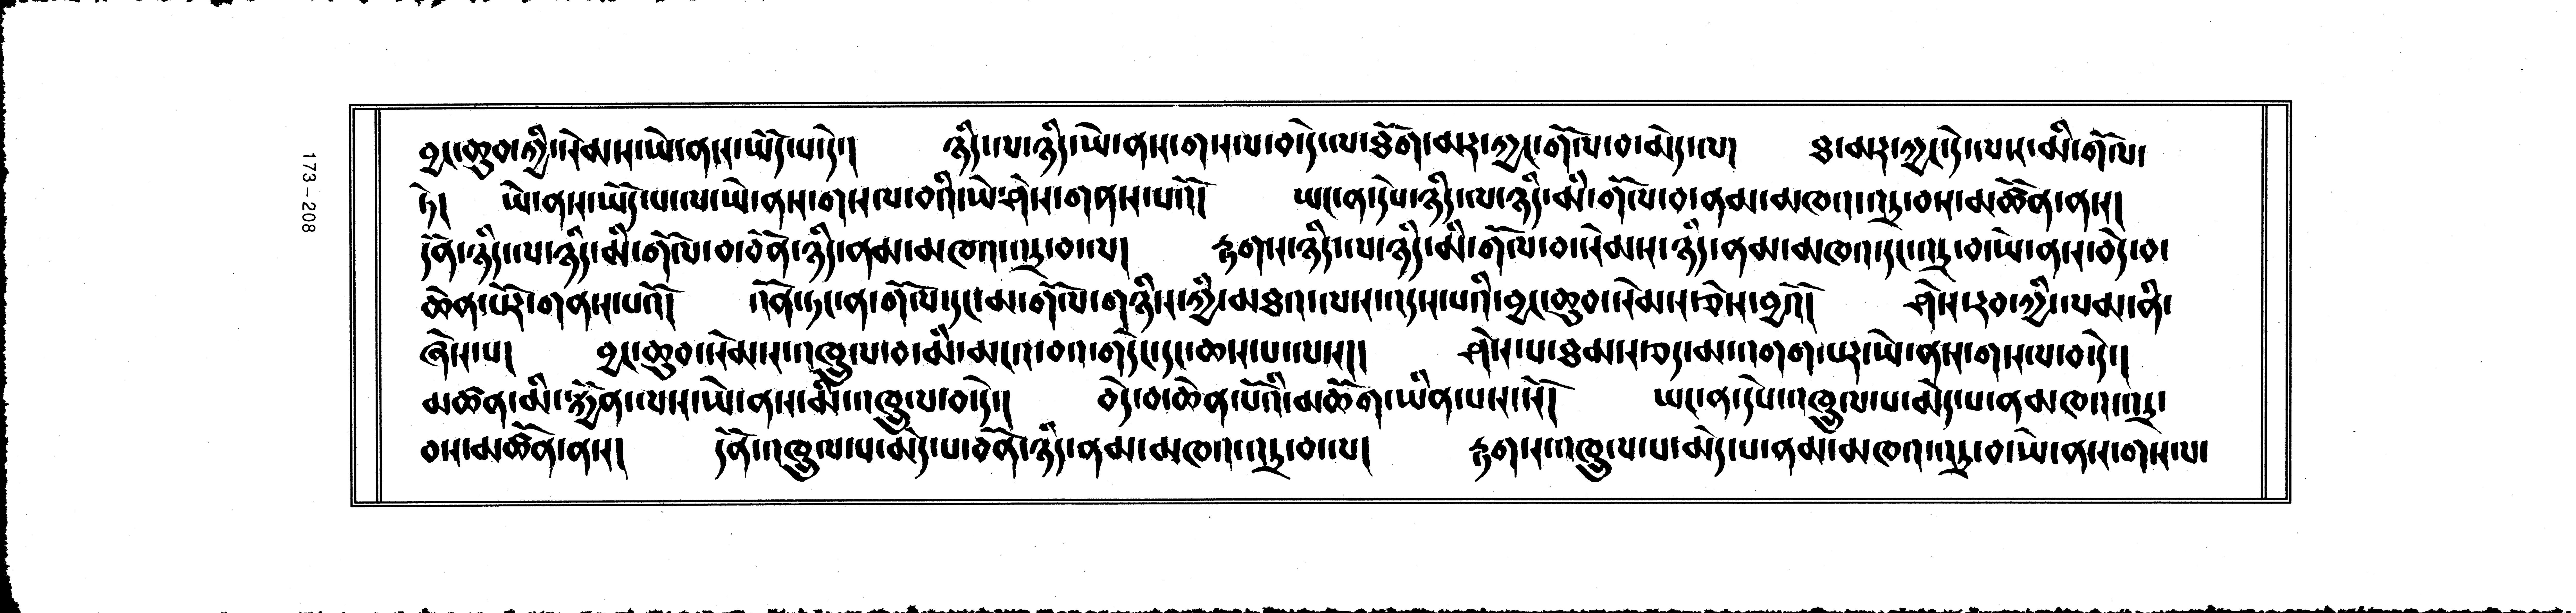བྱང་ཆུབ་ཀྱི་སེམས་ཡེ་ནས་ཡོད་པ་དེ། ཉིད་ལ་ཉིད་ཡེ་ནས་གསལ་བ་དེ་ལ་ཐོག་མར་ཀྱང་གོལ་བ་མེད་ལ། ཐ་མར་ཀྱང་དེ་ལས་མི་གོལ་
ཏེ། ཡེ་ནས་ཡོད་པ་ལ་ཡེ་ནས་གསལ་བའི་ཡེ་ཤེས་གནས་པའོ། །ཡང་ན་དཔེ་ཉིད་ལ་ཉིད་མི་གོལ་བ་ནམ་མཁའ་འདྲ་བས་མཚོན་ནས། 
དོན་ཉིད་ལ་ཉིད་མི་གོལ་བ་བོན་ཉིད་ནམ་མཁའ་འདྲ་བ་ལ རྟགས་ཉིད་ལ་ཉིད་མི་གོལ་བ་སེམས་ཉིད་ནམ་མཁའ་དང་འདྲ་བར་ཡེ་ནས་བདེ་བ་
ཆེན་པོར་གནས་པའོ། །འོན་ཏང་ན་གོལ་དང་མ་གོལ་གཉིས་ཀྱི་མཐའ་ལས་འདས་པའི་བྱང་ཆུབ་སེམས་ཅེས་བྱའོ། །ཤེས་རབ་ཀྱི་ལམ་ནི་
ཞེས་པ། བྱང་ཆུབ་སེམས་འཁྲུལ་པ་མི་མངའ་བའི་གདེང་དང་ཆས་པ་ལས། ཤེས་པ་ཐམས་ཅད་མ་འགག་པར་ཡེ་ནས་གསལ་བ་དེ། 
མཚན་མའི་སྐྱོན་ལས་ཡེ་ནས་མི་འཁྲུལ་བ་དེ། བདེ་བ་ཆེན་པོའི་མཆོག་ཡིན་པས་སོ། །ཡང་ན་དཔེ་འཁྲུལ་པ་མེད་པ་ནམ་མཁའ་འདྲ་
བས་མཚོན་ནས། དོན་འཁྲུལ་པ་མེད་པ་བོན་ཉིད་ནམ་མཁའ་འདྲ་བ་ལ། རྟགས་འཁྲུལ་པ་མེད་པ་ནམ་མཁའ་འདྲ་བ་ཡེ་ནས་གསལ་